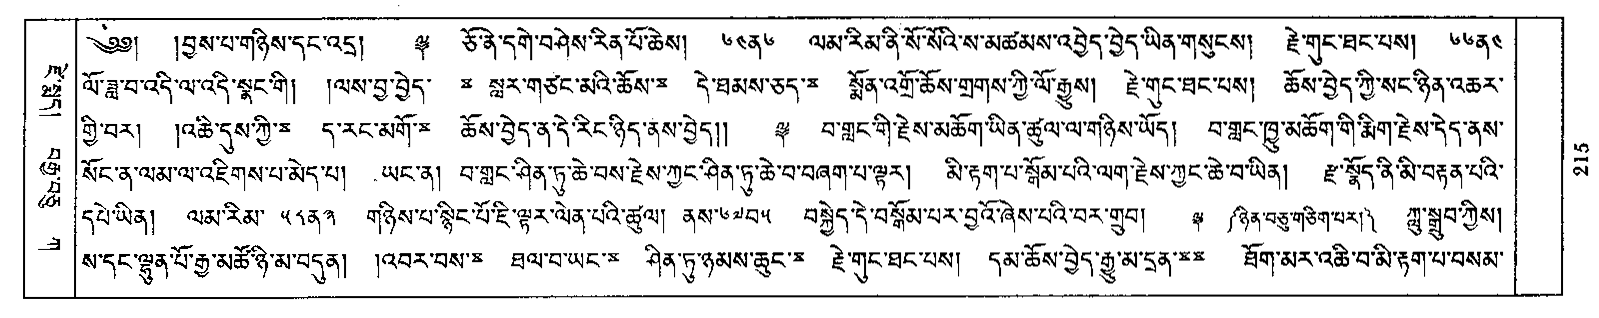༄༅། །བྱས་པ་གཉིས་དང་འདྲ། ༈ ཅོ་ནེ་དགེ་བཤེས་རིན་པོ་ཆེས། ༦༤་ན ༦་ལམ་རིམ་ནི་སོ་སོའི་ས་མཚམས་འབྱེད་བྱེད་ཡིན་གསུངས། རྗེ་གུང་ཐང་པས། ༦༦་ན ༤
ལོ་ཟླ་བ་འདི་ལ་འདི་སྣང་གི། །ལས་བྱ་བྱེད་྾་སླར་གཙང་མའི་ཆོས་དེ་ཐམས་ཅད་སྨོན་འགྲོ་ཆོས་གྲགས་ཀྱི་ལོ་རྒྱུས། རྗེ་གུང་ཐང་པས། ཆོས་བྱེད་ཀྱི་སང་ཉིན་འཆར་
གྱི་བར། །འཆི་དུས་ཀྱི་ད་རང་མགོ་ཆོས་བྱེད་ན་དེ་རིང་ཉིད་ནས་བྱེད།། ༈ བ་གླང་གི་རྗེས་མཆོག་ཡིན་ཚུལ་ལ་གཉིས་ཡོད། བ་གླང་ཁྱུ་མཆོག་གི་རྨིག་རྗེས་དེད་ནས་
སོང་ན་ལམ་ལ་འཇིགས་པ་མེད་པ། ཡང་ན། བ་གླང་ཤིན་ཏུ་ཆེ་བས་རྗེས་ཀྱང་ཤིན་ཏུ་ཆེ་བ་བཞག་པ་ལྟར། མི་རྟག་པ་སྒོམ་པའི་ལག་རྗེས་ཀྱང་ཆེ་བ་ཡིན། རྫ་སྣོད་ནི་མི་བརྟན་པའི་
དཔེ་ཡིན། ལམ་རིམ ༥༨་ན ༣་གཉིས་པ་སྙིང་པོ་ཇི་ལྟར་ལེན་པའི་ཚུལ། ནས ༦༧་བ ༥་བསྐྱེད་དེ་བསྒོམ་པར་བྱའོ་ཞེས་པའི་བར་གྲུབ། ༈ ཉིན་བཅུ་གཅིག་པར།?་ཀླུ་སྒྲུབ་ཀྱིས།
ས་དང་ལྷུན་པོ་རྒྱ་མཚོ་ཉི་མ་བདུན། །འབར་བས་ཐལ་བ་ཡང་ཤིན་ཏུ་ཉམས་ཆུང་རྗེ་གུང་ཐང་པས། དམ་ཆོས་བྱེད་རྒྱུ་མ་དྲན་ཐོག་མར་འཆི་བ་མི་རྟག་པ་བསམ་